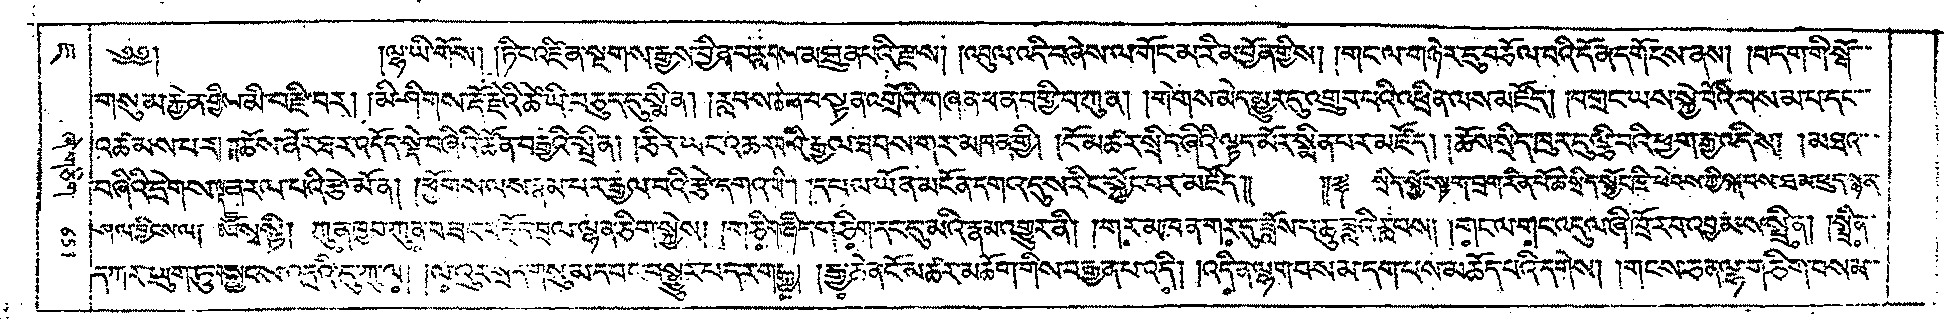༄༅། །ལྷ་ཡི་གོས། །ཏིང་འཛིན་སྔགས་རྒྱས་བྱིན་བརླབས་མཐུན་པའི་རྫས། །འབུལ་འདི་བཞེས་ལ་གོང་མ་རིམ་བྱོན་གྱིས། །གང་ལ་གཉེར་དུ་བཅོལ་བའི་དོན་དགོངས་ནས། །བདག་གི་སྒོ་
གསུམ་རྐྱེན་གྱིས་མི་བརྫི་བར། །མི་ཤིགས་རྡོ་རྗེའི་ཚེ་ཡི་བཅུད་དུ་སྨིན། །རླབས་ཆེན་བསྟན་འགྲོའི་གཞན་ཕན་བགྱི་བ་ཀུན། །གེགས་མེད་མྱུར་དུ་འགྲུབ་པའི་འཕྲིན་ལས་མཛོད། །བགྲང་ཡས་སྐྱེ་བོའི་བསམ་པ་དང་
འཚམས་པར། །ཆོས་ནོར་ཐར་འདོད་སྡེ་བཞིའི་ཚོན་བརྒྱའི་སྤྲིན། །ཅིར་ཡང་འཆར་བའི་རྒྱལ་ཐབས་གར་མཁན་གྱི། །ངོ་མཚར་སྲིད་ཞིའི་ལྟད་མོར་སྨིན་པར་མཛོད། །ཆོས་སྲིད་ཁུར་དུ་ལྕི་བའི་ཕྱག་རྒྱ་འདིས། །མཐའ་
བཞིའི་དྲེགས་ལྡན་རལ་པའི་རྩེ་མོ་ན། །ཕྱོགས་ལས་རྣམ་པར་རྒྱལ་བའི་རྩེ་དགའ་ཡི། །དཔལ་ཡོན་མངོན་དགའ་དུས་རིང་སྐྱོང་བར་མཛོད།། །། ༈ སྲིད་སྐྱོང་སྟག་བྲག་རིན་པོ་ཆེ་སྲིད་སྐྱོང་ཁྲི་ཕེབས་ཀྱི་སྐབས་ཐམ་ཕུད་སྙན་
ཤལ་བྱིངས་ལ། ཨོཾ་སྭ་སྟི། ཀུན྾་ཁྱབ་ཀུན྾་བཟང་བརྗོད་བྲལ་ལྷན་ཅིག་སྐྱེས། །གཅིག྾་ཉིད་གཅིག྾་དང་དུ་མའི་རྣམ་འགྱུར་ནི། །གར྾་མཁན་གར྾་དུ་ཟློས་པ་ཆུ་ཟླའི་རླབས། །གང྾་ལ་གང྾་འདུལ་ཞི་ཁྲོ་རབ་འབྱམས་སྤྲིན྾། །སྤྲིན྾་
དཀར་ཡུག་ཏུ་བསྐྱངས་འདྲའི་དུ་ཀུ་ལ྾། །ལ྾་འུར་སྲིད་གསུམ་དབང་བསྒྱུར་པད་རག་རྒྱ྾། །རྒྱ྾་ཆེན་ངོ་མཚར་མཆོག་གིས་བརྒྱན་པ་འདི྾། །འདི྾་ན་ལྷག་བསམ་དག་པས་མཆོད་པའི་དགེས། །གངས་ཅན་ལྷ་གཅིག་བསམ་